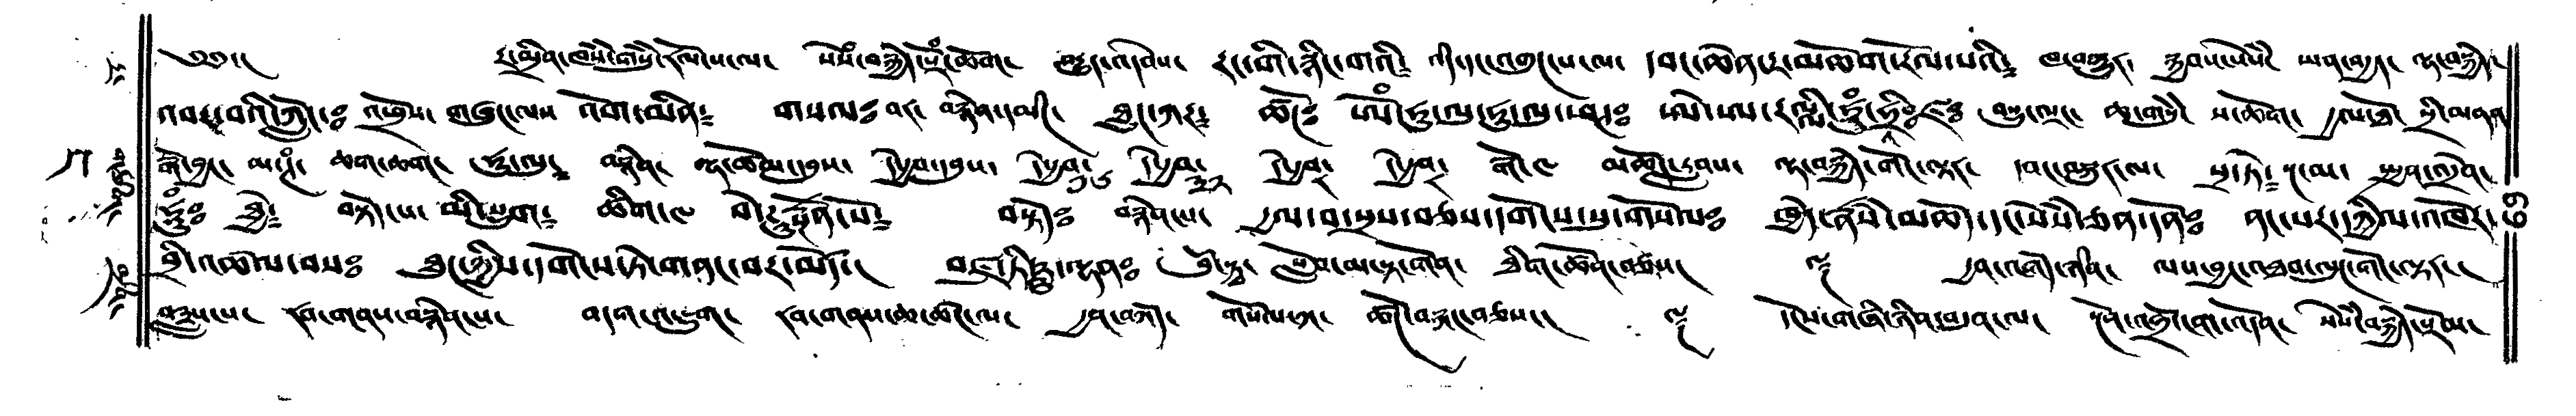རྟ་མགྲིན་ཁམས་གསུམ་རོལ་པ་ལ། སེམས་བསྐྱེད་སྡོམ་ཆོག བརྒྱུད་འདེབས། རང་གི་སྙིང་གའི༴ འདི་དང་འགུགས་པ་ལ། དབང་ཆེན་རྟ་མཆོག་རོལ་པའི༴ ཁ་སྒྱུར། སྐྱབས་སེམས། ཡན་བརྒྱད། ལྷ་སྐྱེད། 
འབར་བའི་ཀློངཿ འཕྲོས། གཞུང་ལས། འོག་མིན༴ གསལཿ བར། བསྙེན་དམིགས། ཐུགས་ཀར༴ ཚོགསཿ ཨོཾ་ཧུ་ལུ་ཧུ་ལུ་བྷུ་ཕཊཿ ཨེ་ཨ་རལི་ཧཱུྃ་ཧྲཱིཿཛཿ བསྡུ་ལྡང་། ཆ་གསུམ། ས་ཆོག། རྒྱལ་ཐོ། སྲི་མནན། 
སྒོ་བྱང་། མ་ཊམ། ཆག་ཆག ཧུ་ལུ༴ བསྙེན། ལྷ་ཚོམ་དབུས། དེ་རྒྱབ་བཅུ་དྲུག དེ་རྒྱབ་སོ་གཉིས། དེ་རྒྱབ་བརྒྱད། སྒོ་བཞི། མཆོད་རླབས། ལྷ་བསྐྱེད་གོང་ལྟར། དབང་བསྐུར་ལ། པྲ་ཏེ༴ སྔ་མ། སྤྱན་འདྲེན། 
ཧཱུཾཿ ཐུགས་རྗེ༴ བསྟོད་པ། མི་སྡུག༴ ཚིག་བཞི། བེ་ཌཱུར་སྔོན་པོ༴ བསྟོདཿ བསྙེན་པ། རྒྱལ་བ་སྲས་བཅས་དགོངས་སུ་གསོལཿ ཁྱེད་རྣམས་མཆོད་དང་སེམས་ཅན་དོནཿ ནངས་པར་དཀྱིལ་འཁོར་
བྲི་འཚལ་བསཿ ཐུགས་ཀྱིས་དགོངས་ཏེ་གནང་བར་མཛོད། བཛྲ་ཏིཥྛ་ལྷནཿ བུམ་སྟ། སློབ་མ་སྟ་གོན། ཐིག་ཚོན་བཅས། ༈ རྒྱན་འགོད་ཉིན། ལས་བྱང་ཐབ་ལུགས་གོང་ལྟར། 
བཟླས་པ། རབ་གནས་བསྙེན་པ། བདག་འཇུག རབ་གནས་ཆ་ཚང་ལ། རྒྱན་བཀོད། གསོལ་ཀ ཚོགས་བསྐང་བཅས། ༈ དངོས་གཞི་ཉིན་བདུན་ལ། སྔོན་འགྲོ་ངག་འདོན། སེམས་བསྐྱེད་སྡོམ་